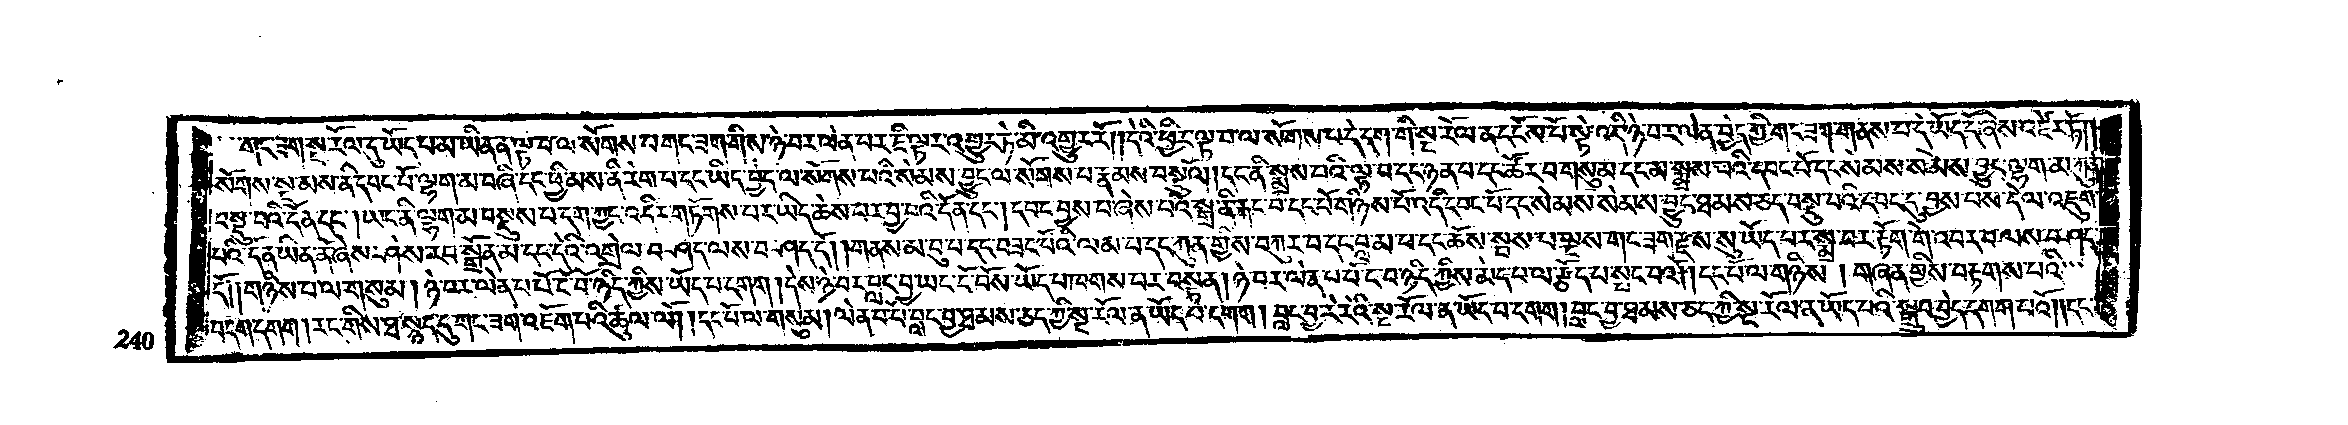གང་ཟག་སྔ་རོལ་དུ་ཡོད་པ་མ་ཡིན་ན་ལྟ་བ་ལ་སོགས་པ་གང་ཟག་གིས་ཉེ་བར་ལེན་པར་ཇི་ལྟར་འགྱུར་ཏེ་མི་འགྱུར་རོ། །དེའི་ཕྱིར་ལྟ་བ་ལ་སོགས་པ་དེ་དག་གི་སྔ་རོལ་ན་དངོས་པོ་སྟེ་འདི་ཉེ་བར་ལེན་བྱེད་ཀྱི་གང་ཟག་གནས་པ་དེ་ཡོད་དོ་ཞེས་འཛེར་ཏོ།།
སོགས་སྔ་མས་ནི་དབང་པོ་ལྷག་མ་བཞི་དང་ཕྱི་མས་ནི་རེག་པ་དང་ཡིད་བྱེད་ལ་སོགས་པའི་སེམས་བྱུང་ལ་སོགས་པ་རྣམས་བསྡུའོ། །དང་ནི་སྨྲས་པའི་ལྟ་བ་དང་ཉན་པ་དང་ཚོར་བ་གསུམ་དང་མ་སྨྲས་པའི་དབང་པོ་དང་སེམས་སེམས་བྱུང་ལྷག་མ་ཀུན་
བསྡུ་བའི་དོན་དང་། ཡང་ནི་ལྷག་མ་བསྡུས་པ་དག་ཀྱང་འདིར་གཏོགས་པར་ཡིད་ཆེས་པར་བྱ་བའི་དོན་དང་། དབང་བྱས་པ་ཞེས་པའི་སྒྲ་ནི་རྐང་པ་དང་པེ་གཉིས་པོ་འདི་དབང་པོ་དང་སེམས་སེམས་བྱུང་ཐམས་ཅད་བསྡུ་བའི་དབང་དུ་བྱས་པས་དལ་འཇུག་
བའི་དོན་ཡིན་ནོ་ཞེས་ཤེས་རབ་སྒྲོན་མ་དང་དེའི་འགྲེལ་བཤད་ལས་བཤད་དོ། །གནས་མ་བུ་པ་དང་བཟང་པོའི་ལམ་པ་དང་ཀུན་གྱིས་བཀུར་བ་དང་བླ་མ་པ་དང་ཆོས་སྦས་པ་ལྔས་གང་ཟག་རྫས་སུ་ཡོད་པར་སྨྲ་བར་རྟོག་གོ་འབར་བ་ལས་བཤད་
དོ། །གཉིས་པ་ལ་གསུམ། ཉེ་བར་ལེན་པ་པོ་ངོ་བོ་ཉིད་ཀྱིས་ཡོད་པ་དགག །དེས་ཉེ་བར་བླང་བྱ་ཡང་ངོ་བོས་ཡོད་པ་ཁགས་པར་བསྟན། ཉེ་བར་ལེན་པ་པོ་ང་བ་ཉིད་ཀྱིས་མེད་པ་ལ་རྩོད་པ་སྤང་བའོ། །དང་པོ་ལ་གཉིས། གཞན་གྱིས་བརྟགས་པའི་
བདག་དགག །རང་གིས་ཐ་སྙད་དུ་གང་ཟག་འཇོག་པའི་ཚུལ་ལོ། །དང་པོ་ལ་གསུམ། ལེན་པ་པོ་བླང་བྱ་ཐམས་ཅད་ཀྱི་སྔ་རོལ་ན་ཡོད་པ་དགག །བླང་བྱ་རེ་རེའི་སྔ་རོལ་ན་ཡོད་པ་དགག །བླང་བྱ་ཐམས་ཅད་ཀྱི་སྔ་རོལ་ན་ཡོད་པའི་སྒྲུབ་བྱེད་དགག་པའོ། །དང་